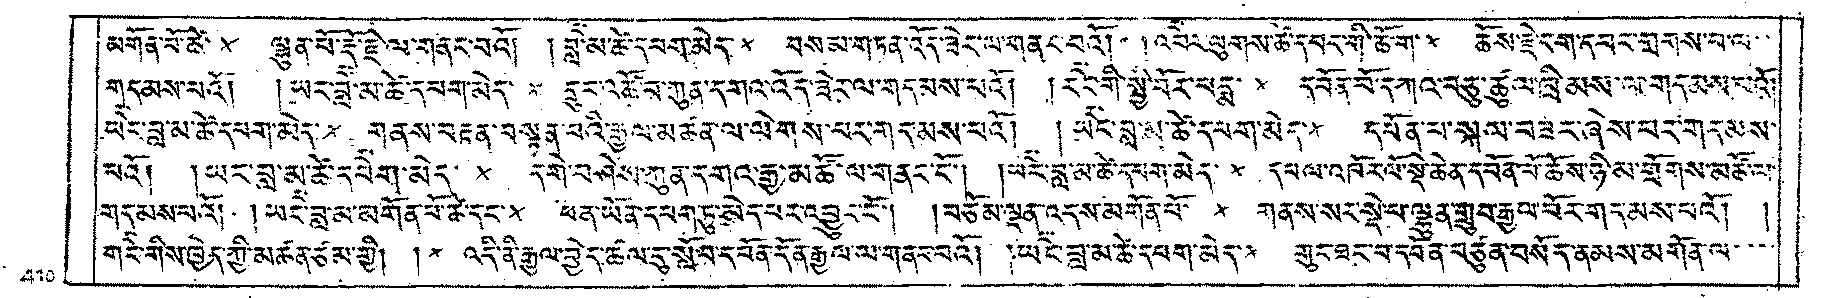མགོན་པོ་ཚེ་྾་ལྷུན་པོ་རྡོ་རྗེ་ལ་གནང་བའོ། །བླ་ར་མ་ཚེ་དཔག་མེད་྾་བསམ་གཏན་འོད་ཟེར་ལ་གནང་བའོ། །འབར་ར་ལུགས་ཚེ་དབང་གི་ཆོ་ག་྾་ཆོས་རྗེ་ངག་དབང་གྲགས་པ་ལ་
གདམས་པའོ། ། ར་ཡང་བླ་མ་ཚེ་དཔག་མེད་྾་དྲུང་འཚོ་བ་ཀུན་དགའ་འོད་ཟེར་ལ་གདམས་པའོ། །རང་ར་གི་སྤྱི་བོར་པདམ་྾་དབོན་པོ་དཀའ་བཅུ་ཚུལ་ཁྲིམས་ལ་གདམས་པའོ།
ར་ཡང་བླ་མ་ཚེ་དཔག་མེད་྾་གནས་བརྟན་བསྟན་པའི་རྒྱལ་མཚན་ལ་ལེགས་པར་གདམས་པའོ། ། ར་ཡང་བླ་མ་ཚེ་དཔག་མེད་྾་དཔོན་པ་སྐལ་བཟང་ཞེས་པར་གདམས་
པའོ། །ཡང་བླ་མ་ཚེ་དཔག་ར་མེད་྾་དགེ་བཤེས་ཀུན་དགའ་རྒྱ་མཚོ་ལ་གནང་ངོ། ། ར་ཡང་བླ་མ་ཚེ་དཔག་མེད་྾་དཔལ་འཁོར་ལོ་སྡེ་ཆེན་དབོན་པོ་ཆོས་ཉི་མ་གྲོགས་མཚོ་ལ་
གདམས་པའོ། ། ར་ཡང་བླ་མ་མགོན་པོ་ཚེ་དང་྾་ཕན་ཡོན་དཔག་ཏུ་མེད་པར་འབྱུང་ངོ། །བཅོམ་ལྡན་འདས་མགོན་པོ་྾་གནས་སར་སྡེ་པ་ལྷུན་གྲུབ་རྒྱལ་པོར་གདམས་པའོ། །
ར་གང་གིས་ཁྱེད་ཀྱི་མཚན་ཙམ་གྱི། ། ྾་འདི་ནི་རྒྱལ་བྱེད་ཚལ་དུ་སློབ་དཔོན་དོན་རྒྱལ་ལ་གནང་བའོ། ། ར་ཡང་བླ་མ་ཚེ་དཔག་མེད་྾་གུང་ཐང་པ་དབོན་བཙུན་བསོད་ནམས་མགོན་ལ་